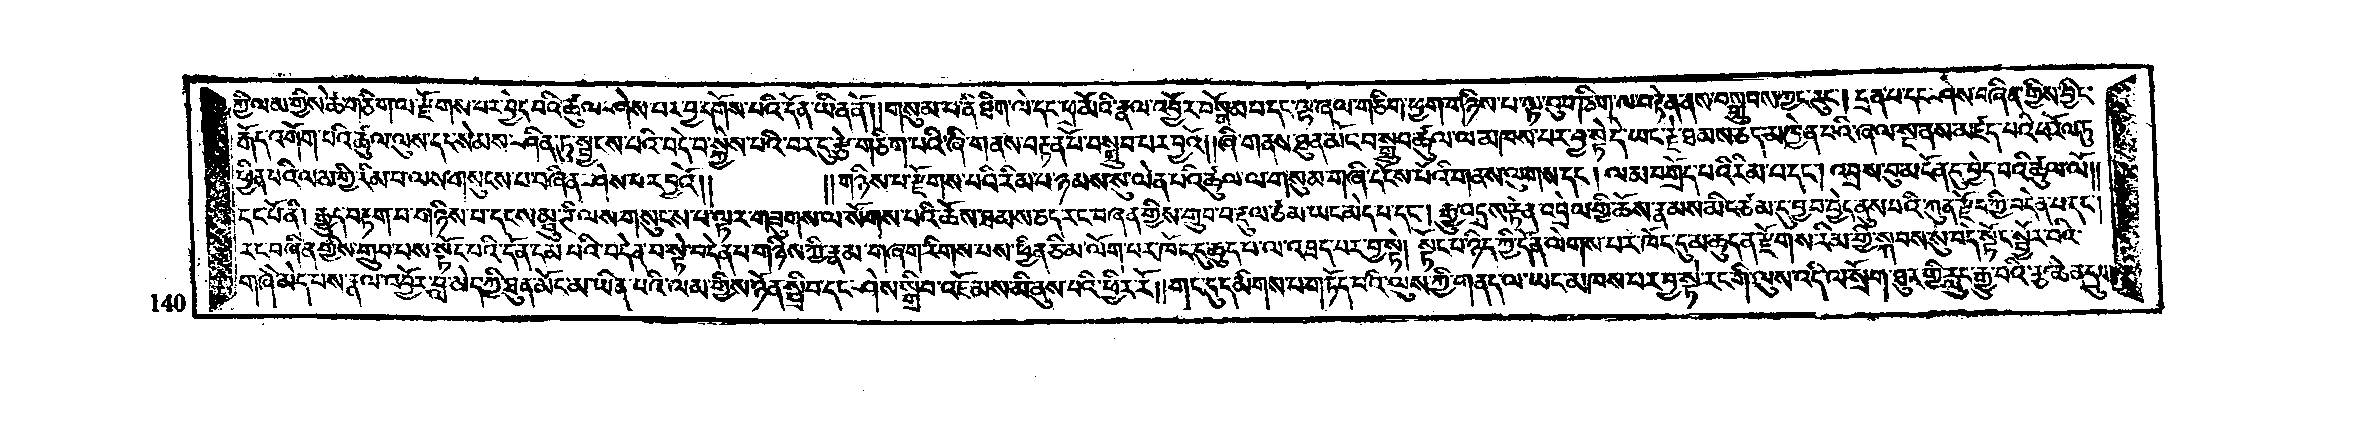ཀྱི་ལམ་གྱིས་ཚེ་གཅིག་ལ་རྫོགས་པར་བྱེད་པའི་ཚུལ་ཤེས་པར་བྱ་དགོས་པའི་དོན་ཡིན་ནོ། །གསུམ་པ་ནི་ཐིག་ལེ་དང་ཕྲ་མོའི་རྣལ་འབྱོར་བསྒོམ་པ་དང་ལྷ་ཞལ་གཅིག་ཕྱག་གཉིས་པ་ལྟ་བུ་གཅིག་ལ་བརྟེན་ནས་བསྒྲུབས་ཀྱང་རུང་། དྲན་པ་དང་ཤེས་བཞིན་གྱིས་བྱིང་
རྒོད་འགོག་པའི་ཚུལ་ལུས་དང་སེམས་ཤིན་ཏུ་སྦྱངས་པའི་བདེ་བ་སྐྱེས་པའི་བར་དུ་རྩེ་གཅིག་པའི་ཞི་གནས་བརྟན་པོ་བསྒྲུབ་པར་བྱའོ། །ཞི་གནས་ཐུན་མོང་བ་སྒྲུབ་ཚུལ་ལ་མཁས་པར་བྱ་སྟེ་དེ་ཡང་རྗེ་ཐམས་ཅད་མཁྱེན་པའི་ཞལ་སྔ་ནས་མཛད་པའི་ཕ་རོལ་ཏུ་
ཕྱིན་པའི་ལམ་གྱི་རིམ་པ་ལས་གསུངས་པ་བཞིན་ཤེས་པར་བྱའོ།། །།གཉིས་པ་རྫོགས་པའི་རིམ་པ་ཉམས་སུ་ལེན་པའི་ཚུལ་ལ་གསུམ་གཞི་དངོས་པོའི་གནས་ལུགས་དང་། ལམ་བགྲོད་པའི་རིམ་པ་དང་། འབྲས་བུ་མངོན་དུ་བྱེད་པའི་ཚུལ་ལོ། །
དང་པོ་ནི། རྒྱུད་བརྟག་པ་གཉིས་པ་དང་སམབུ་ཊི་ལས་གསུངས་པ་ལྟར་གཟུགས་ལ་སོགས་པའི་ཆོས་ཐམས་ཅད་རང་བཞིན་གྱིས་གྲུབ་པ་རྡུལ་ཙམ་ཡང་མེད་པ་དང་། རྒྱུ་འདྲས་རྟེན་འབྲེལ་གྱི་ཆོས་རྣམས་མིང་ཙམ་དུ་བྱ་བ་བྱེད་ནུས་པའི་ཀུན་རྫོབ་ཀྱི་བདེན་པ་དང་།
རང་བཞིན་གྱིས་གྲུབ་པས་སྟོང་པའི་དོན་དམ་པའི་བདེན་པ་སྟེ་བདེན་པ་གཉིས་ཀྱི་རྣམ་གཞག་རིགས་པས་ཕྱིན་ཅི་མ་ལོག་པར་ཁོང་དུ་ཆུད་པ་ལ་འཐད་པར་བྱ་སྟེ། སྟོང་པ་ཉིད་ཀྱི་དོན་ལེགས་པར་ཁོང་དུ་མ་ཆུད་ན་རྫོགས་རིམ་གྱི་སྐབས་སུ་བདེ་སྟོང་སྦྱོར་བའི་
གཞི་མེད་པས་རྣལ་འབྱོར་བླ་མེད་ཀྱི་ཐུན་མོང་མ་ཡིན་པའི་ལམ་གྱིས་ཉོན་སྒྲིབ་དང་ཤེས་སྒྲིབ་འཇོམས་མི་ནུས་པའི་ཕྱིར་རོ། །གང་དུ་དམིགས་པ་གཏོད་པའི་ལུས་ཀྱི་གནད་ལ་ཡང་མཁས་པར་བྱ་སྟེ་རང་གི་ལུས་འདི་ལ་སྲོག་ཐུར་གྱི་རླུང་རྒྱུ་བའི་རྩ་ཆེན་དྲུག་